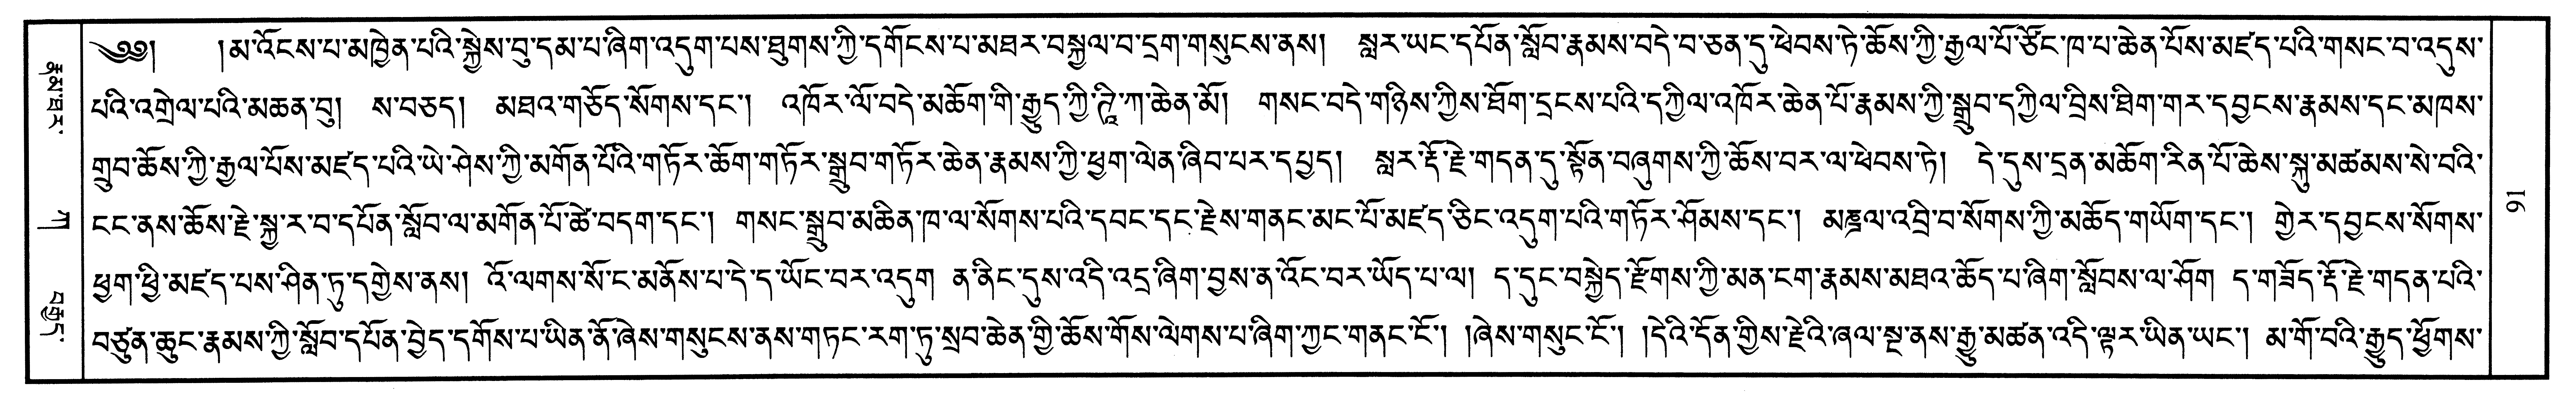༄༅། །མ་འོངས་པ་མཁྱེན་པའི་སྐྱེས་བུ་དམ་པ་ཞིག་འདུག་པས་ཐུགས་ཀྱི་དགོངས་པ་མཐར་བསྐྱལ་བ་དྲག་གསུངས་ནས། སླར་ཡང་དཔོན་སློབ་རྣམས་བདེ་བ་ཅན་དུ་ཕེབས་ཏེ་ཆོས་ཀྱི་རྒྱལ་པོ་ཙོང་ཁ་པ་ཆེན་པོས་མཛད་པའི་གསང་བ་འདུས་
པའི་འགྲེལ་པའི་མཆན་བུ། ས་བཅད། མཐའ་གཅོད་སོགས་དང་། འཁོར་ལོ་བདེ་མཆོག་གི་རྒྱུད་ཀྱི་ཊཱི་ཀ་ཆེན་མོ། གསང་བདེ་གཉིས་ཀྱིས་ཐོག་དྲངས་པའི་དཀྱིལ་འཁོར་ཆེན་པོ་རྣམས་ཀྱི་སྒྲུབ་དཀྱིལ་བྲིས་ཐིག་གར་དབྱངས་རྣམས་དང་མཁས་
གྲུབ་ཆོས་ཀྱི་རྒྱལ་པོས་མཛད་པའི་ཡེ་ཤེས་ཀྱི་མགོན་པོའི་གཏོར་ཆོག་གཏོར་སྒྲུབ་གཏོར་ཆེན་རྣམས་ཀྱི་ཕྱག་ལེན་ཞིབ་པར་དཔྱད། སླར་རྡོ་རྗེ་གདན་དུ་སྟོན་བཞུགས་ཀྱི་ཆོས་བར་ལ་ཕེབས་ཏེ། དེ་དུས་དྲན་མཆོག་རིན་པོ་ཆེས་སྐུ་མཚམས་སེ་བའི་
ངང་ནས་ཆོས་རྗེ་སྐྱ་ར་བ་དཔོན་སློབ་ལ་མགོན་པོ་ཚེ་བདག་དང་། གསང་སྒྲུབ་མཆིན་ཁ་ལ་སོགས་པའི་དབང་དང་རྗེས་གནང་མང་པོ་མཛད་ཅིང་འདུག་པའི་གཏོར་ཤོམས་དང་། མཎྜལ་འབྲི་བ་སོགས་ཀྱི་མཆོད་གཡོག་དང་། གྱེར་དབྱངས་སོགས་
ཕྱག་ཕྱི་མཛད་པས་ཤིན་ཏུ་དགྱེས་ནས། འོ་ལགས་སོ་ང་མནོས་པ་དེ་ད་ཡོང་བར་འདུག། ན་ནིང་དུས་འདི་འདྲ་ཞིག་བྱས་ན་འོང་བར་ཡོད་པ་ལ། ད་དུང་བསྐྱེད་རྫོགས་ཀྱི་མན་ངག་རྣམས་མཐའ་ཆོད་པ་ཞིག་སློབས་ལ་ཤོག །ད་གཟོད་རྡོ་རྗེ་གདན་པའི་
བཙུན་ཆུང་རྣམས་ཀྱི་སློབ་དཔོན་བྱེད་དགོས་པ་ཡིན་ནོ་ཞེས་གསུངས་ནས་གཏང་རག་ཏུ་སྲབ་ཆེན་གྱི་ཆོས་གོས་ལེགས་པ་ཞིག་ཀྱང་གནང་ངོ། །ཞེས་གསུང་ངོ། །དེའི་དོན་གྱིས་རྗེའི་ཞལ་སྔ་ནས་རྒྱུ་མཚན་འདི་ལྟར་ཡིན་ཡང་། མ་གོ་བའི་རྒྱུད་ཕྱོགས་